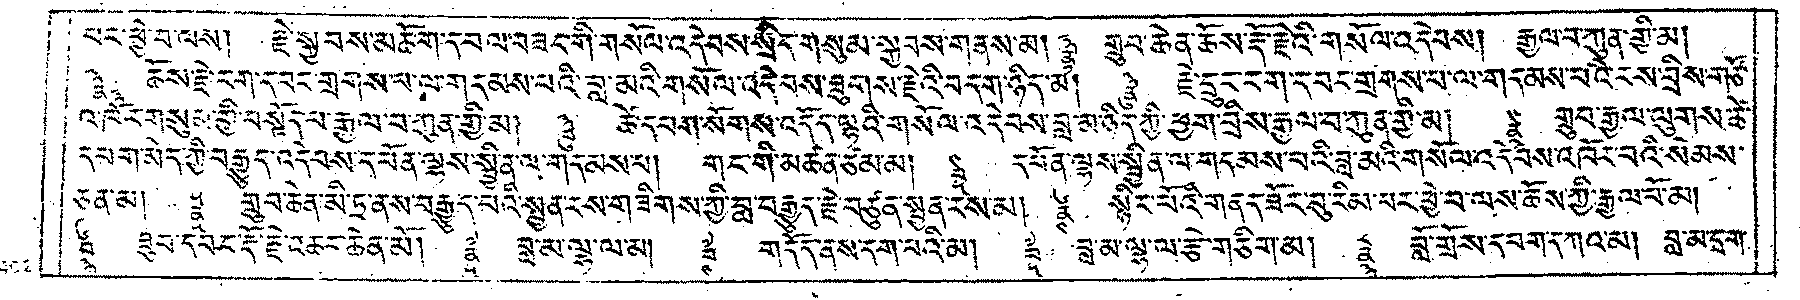པར་ཕྱེ་བ་ལས། རྗེ་སྐྱབས་མཆོག་དཔལ་བཟང་གི་གསོལ་འདེབས་སྲིད་གསུམ་སྐྱབས་གནས་མ། ༣་ན ༡་གྲུབ་ཆེན་ཆོས་རྡོ་རྗེའི་གསོལ་འདེབས། རྒྱལ་བ་ཀུན་གྱི་མ།
༣་ན ༣་ཆོས་རྗེ་ངག་དབང་གྲགས་པ་ལ་གདམས་པའི་བླ་མའི་གསོལ་འདེབས་ཐུགས་རྗེའི་བདག་ཉིད་མ། ༣་ན ༦་རྗེ་དྲུང་ངག་དབང་གྲགས་པ་ལ་གདམས་པའི་རས་བྲིས་གཙོ་
འཁོར་གསུམ་གྱི་བསྟོད་པ་རྒྱལ་བ་ཀུན་གྱི་མ། ༣་བ ༦་ཚེ་དཔག་སོགས་འདོད་ལྷའི་གསོལ་འདེབས་བླ་མ་ཉིད་ཀྱི་ཕྱག་བྲིས་རྒྱལ་བ་ཀུན་གྱི་མ། ༤་ན ༣་གྲུབ་རྒྱལ་ལུགས་ཚེ་
དཔག་མེད་ཀྱི་བརྒྱུད་འདེབས་དཔོན་ལྷས་སྦྱིན་ལ་གདམས་པ། གང་གི་མཚན་ཙམ་མ། ༤་བ ༥་དཔོན་ལྷས་སྦྱིན་ལ་གདམས་པའི་བླ་མའི་གསོལ་འདེབས་འཁོར་བའི་སེམས་
ཅན་མ། ༥་ན ༥་གྲུབ་ཆེན་མི་ཏྲ་ནས་བརྒྱུད་པའི་སྤྱན་རས་གཟིགས་ཀྱི་བླ་བརྒྱུད་རྗེ་བཙུན་སྤྱན་རས་མ། ༦་ན ༤་སྙིང་པོའི་གནད་ཐོར་བུ་རིམ་པར་ཕྱེ་བ་ལས་ཆོས་ཀྱི་རྒྱལ་པོ་མ།
༦་བ ༣་ཐུབ་དབང་རྡོ་རྗེ་འཆང་ཆེན་མོ། ༧་ན ༥་བླ་མ་ལྷ་ལ་མ། ༧་བ ༤་གདོད་ནས་དག་པའི་མ། ༧་བ ༥་བླ་མ་ལྷ་ལ་རྩེ་གཅིག་མ། ༨་ན ༣་བློ་གྲོས་དཔག་དཀའ་མ། བླ་མ་དྲག་